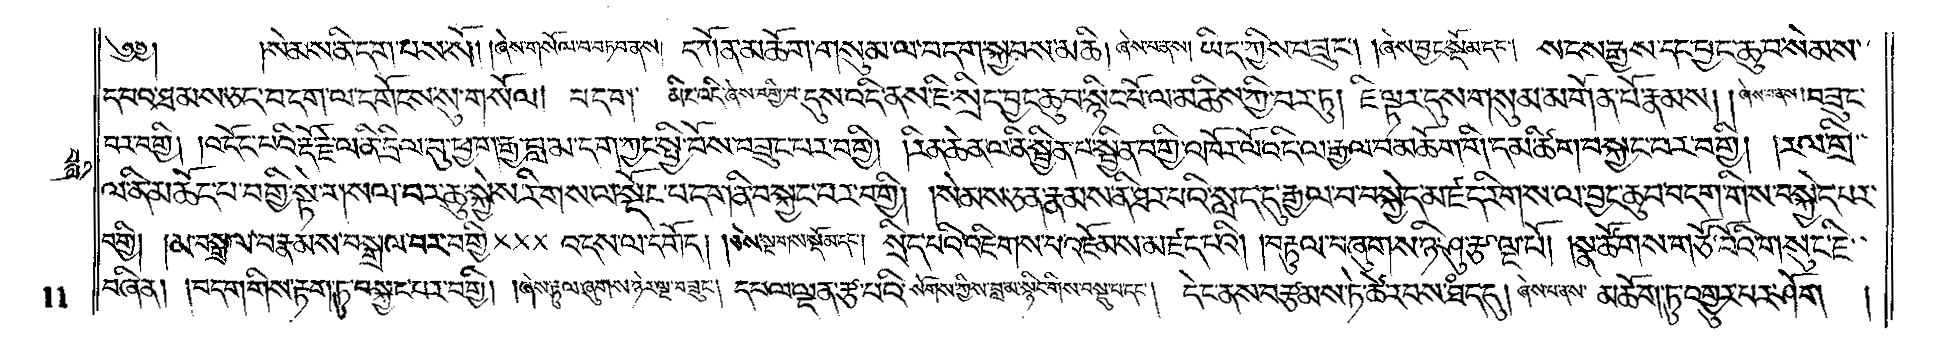༄༅། །སེམས་ནི་དག་པས་སོ། །ཞེས་གསོལ་བ་བཏབ་ནས།  དཀོན་མཆོག་གསུམ་ལ་བདག་སྐྱབས་མཆི། ཞེས་པ་ནས།  ཡིད་ཀྱིས་བཟུང་། །ཞེས་བྱང་སྡོམ་དང་།  སངས་རྒྱས་དང་བྱང་ཆུབ་སེམས་
དཔའ་ཐམས་ཅད་བདག་ལ་དགོངས་སུ་གསོལ། པ་དག་མིང་འདི་ཞེས་བགྱི་བ་དུས་འདི་ནས་ཇི་སྲིད་བྱང་ཆུབ་སྙིང་པོ་ལ་མཆིས་ཀྱི་བར་ཏུ། ཇི་ལྟར་དུས་གསུམ་མགོན་པོ་རྣམས། །ཞེས་པ་ནས།  བཟུང་
བར་བགྱི། །འདོད་པའི་རྡོ་རྗེ་ལ་ནི་དྲིལ་བུ་ཕྱག་རྒྱ་བླ་མ་དག་ཀྱང་སྤྱི་བོས་བཟུང་པར་བགྱི། །རིན་ཆེན་ལ་ནི་སྦྱིན་པ་སྦྱིན་བགྱི་འཁོར་ལོ་འདི་ལ་རྒྱལ་བ་མཆོག་གི་དམ་ཚིག་བསྐྱང་བར་བགྱི། །རལ་གྲི་
ལ་ནི་མཆོད་པ་བགྱི་སྟེ་གསལ་བར་ཆུ་སྐྱེས་རིགས་ལ་སྡོང་པ་དག་ནི་བསྐྱང་བར་བགྱི། །སེམས་ཅན་རྣམས་ནི་ཐར་པའི་སླད་དུ་རྒྱལ་བ་བསྐྱེད་མཛད་རིགས་ལ་བྱང་ཆུབ་བདག་གིས་བསྐྱེད་པར་
བགྱི། །མ་བསྒྲལ་བ་རྣམས་བསྒྲལ་བར་བགྱི་྾་྾་྾་འདས་ལ་དགོད། །ཅེས་སྔགས་སྡོམ་དང་།  སྲིད་པའི་འཇིགས་པ་འཇོམས་མཛད་པའི། །བརྟུལ་བཞུགས་ཉི་ཤུ་རྩ་ལྔ་པོ། །སྣ་ཚོགས་གཙོ་བོའི་གསུང་ཇི་
བཞིན། །བདག་གིས་རྟག་ཏུ་བསྐྱང་པར་བགྱི། །ཞེས་རྟུལ་ཞུགས་ཉེར་ལྔ་བཟུང་།  དཔལ་ལྡན་རྩ་པའི་སོགས་ཀྱིས་བླ་མ་སྙིང་གིས་བསྡུ་པ་དང་།  དེང་ནས་བརྩམས་ཏེ་ཚེ་རབས་ཐཾས་དུ། ཞེས་པ་ནས་མཆོག་ཏུ་འགྱུར་པར་ཤོག །